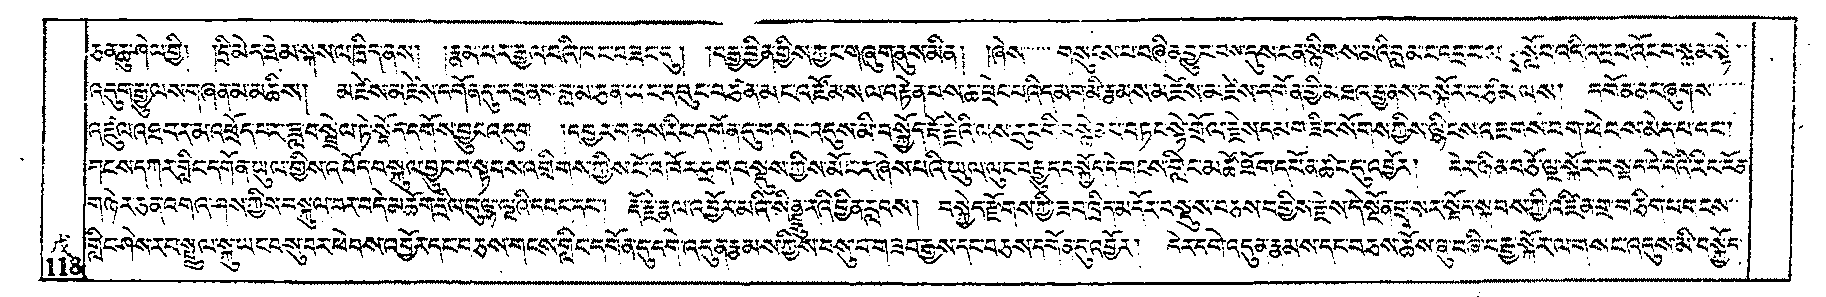ཅན་ཆུ་ཤེལ་གྱི། །དྲི་མེད་ཐེམ་སྐས་ལ་ཁྲིད་ནས། །རྣམ་པར་རྒྱལ་བའི་ཁང་བཟང་དུ། །བརྒྱ་བྱིན་གྱིས་ཀྱང་གཞུག་ནུས་མིན། །ཞེས་གསུངས་པ་བཞིན་བྱུང་བས་དུས་ངན་སྙིགས་མའི་བླ་མ་ང་འདྲ་བ་ལ་གྲྭ་སློབ་འདི་འདྲ་བ་འོང་བ་སྙམ་སྟེ་
འདུག་རྒྱུ་ལས་གཞན་མ་མཆིས། མཛེས་མཛེས་དགོན་དུ་དབྲ་ནག་བླ་མ་ཅན་ཡང་དཔུང་བཙན་མང་འཛོམས་ལ་བརྟེན་པས་ཆ་ཕྲེང་པའི་དམག་མི་རྣམས་མཛེས་མཛེས་དགོན་གྱི་མཐའ་རྒྱ་ནས་བསྐོར་བ་ཙམ་ལས། དགོན་ནང་ཞུགས་
འཛུལ་འཐབ་ར་མ་འཕྲོད་པར་ཟླ་བ་སྦྲེལ་ཏེ་སྡོད་དགོས་བྱུང་འདུག །དབྱར་གནས་རིང་དགོན་དུ་གསང་འདུས་མི་བསྐྱོད་རྡོ་རྗེའི་ལས་རུང་གི་བསྙེན་པ་བཏང་སྟེ་གྲོལ་རྗེས་དམག་ཟིང་སོགས་ཀྱིས་ལྷིངས་འཇགས་བག་ཕེབས་མེད་པ་དང་།
གངས་དཀར་གླིང་དགོན་ཡུལ་གྱིས་འབོད་བསྐུལ་བྱུང་བ་སྟབས་འགྲིགས་ཀྱིས་ངོ་འཁོར་ཧྲག་བསྡུས་ཀྱིས་མོང་ར་ཞེས་པའི་ཡུལ་ལུང་བརྒྱུད་བསྐྱོད་དེ་གངས་གླིང་མཚོ་ཐོག་དཔོན་ཚང་དུ་འབྱོར། དེར་ཉིན་བཅོ་ལྔ་སྐོར་བསྡད་དེ་དེའི་རིང་དོན་
གཉེར་ཅན་འགའ་ཤས་ཀྱིས་བསྐུལ་བར་བདེ་མཆོག་དྲིལ་བུ་ལྷ་ལྔའི་དབང་དང་། རྡོ་རྗེ་རྣལ་འབྱོར་མའི་སིནྡྷུ་རའི་བྱིན་རླབས། བསྐྱེད་རྫོགས་ཀྱི་ཟབ་ཁྲིད་མདོར་བསྡུས་བཅས་བགྱིས་རྗེས་དེ་སྔོན་གྲྭ་སར་སྡོད་སྐབས་ཀྱི་འཛིན་གྲ་གཅིག་པ་གངས་
གླིང་ཤེས་རབ་སྤྲུལ་སྐུ་ཡང་བསུ་བར་ཕེབས་འབྱོར་དང་བཅས་གངས་གླིང་དགོན་དུ་དགེ་འདུན་རྣམས་ཀྱིས་བསུ་པ་གཟབ་རྒྱས་དང་བཅས་དགོན་དུ་འབྱོར། དེར་དགེ་འདུན་རྣམས་དང་བཅས་ཆོས་ཞུ་བཞི་བརྒྱ་སྐོར་ལ་གསང་འདུས་མི་བསྐྱོད་